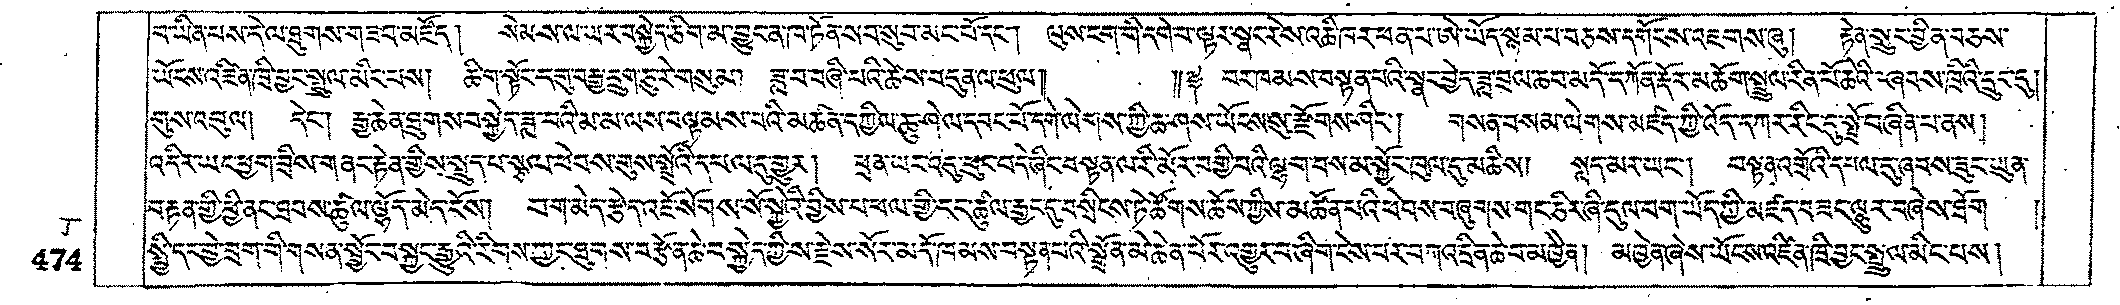བ་ཡིན་པས་དེ་ལ་ཐུགས་གཟབ་མཛོད། སེམས་ལ་ཡར་བསྐྱེད་ཅིག་མ་བྱུང་ན་ཁ་ཏོན་སབ་སུབ་མང་པོ་དང་། ལུས་ངག་གི་དགེ་བ་ལྟར་སྣང་རེས་འཆི་ཁར་ཕན་པ་ཨེ་ཡོད་སྙམ་པ་བཅས་དགོངས་འཇགས་ཞུ། རྟེན་སྲུང་བྱིན་བཅས་
ཡོངས་འཛིན་ཁྲི་བྱང་སྤྲུལ་མིང་པས། ཆིག་སྟོང་དགུ་བརྒྱ་དྲུག་ཅུ་རེ་གསུམ། ཟླ་བ་བཞི་པའི་ཚེས་བདུན་ལ་ཕུལ།། །།འ་བར་ཁམས་བསྟན་པའི་སྣང་བྱེད་ཟླ་བྲལ་ཆབ་མདོ་དཀོན་རྡོར་མཆོག་སྤྲུལ་རིན་པོ་ཆེའི ༧ཞབས་ཁྲིའི་དྲུང་དུ།
གུས་འབུལ། དེང་། རྒྱ་ཆེན་ཐུགས་བསྐྱེད་ཟླ་བའི་མ་མ་ལས་བལྟམས་པའི་མཚན་དཀྱིལ་ཆུ་ཤེལ་དབང་པོ་དགེ་ལེགས་ཀྱི་ཆ་ཤས་ཡོངས་སུ་རྫོགས་ཤིང་། གསན་བསམ་ལེགས་མཛད་ཀྱི་འོད་དཀར་རིང་དུ་སྤྲོ་བཞིན་པ་ནས།
འདིར་ཡང་ཕྱག་བྲིས་གནང་རྟེན་གྱིས་སྤུད་པ་སྩལ་ཕེབས་གུས་སྤྲོའི་དཔལ་དུ་གྱུར། ཕྲན་ཡང་འདུ་ཕུང་བདེ་ཞིང་བསྟན་ལ་རི་མོར་བགྱི་བའི་ལྷག་བསམ་སྐྱོང་ཁུལ་དུ་མཆིས། སླད་མར་ཡང་། བསྟན་འགྲོའི་དཔལ་དུ་ཞབས་ཟུང་ཡུན་
བརྟན་གྱི་ཕྱི་ནང་ཐབས་ཚུལ་ལྷོད་མེད་ངོས། བག་མེད་རྩེད་འཇོ་སོགས་སོ་སྐྱེའི་བྱིས་པ་ཕལ་གྱི་ངང་ཚུལ་རྒྱང་དུ་བསྲིངས་ཏེ་ཚོགས་ཆོས་ཀྱིས་མཚོན་པའི་ཕེབས་བཞུགས་གང་ཅིར་ཞི་དུལ་བག་ཡོད་ཀྱི་མཛད་བཟང་ལྷུར་བཞེས་ཐོག །
སྤྱི་དང་བྱེ་བྲག་གི་གསན་སྦྱོང་བསྐྱང་རྒྱུའི་རིགས་ཀྱང་ཐུགས་བརྩོན་ཆེ་བསྐྱེད་ཀྱིས་རྗེས་སོར་མདོ་ཁམས་བསྟན་པའི་སྒྲོན་མེ་ཆེན་པོར་འགྱུར་བ་ཞིག་ངེས་པར་བཀའ་དྲིན་ཆེ་བ་མཁྱཻན། མཁྱེན་ཞེས་ཡོངས་འཛིན་ཁྲི་བྱང་སྤྲུལ་མིང་པས།